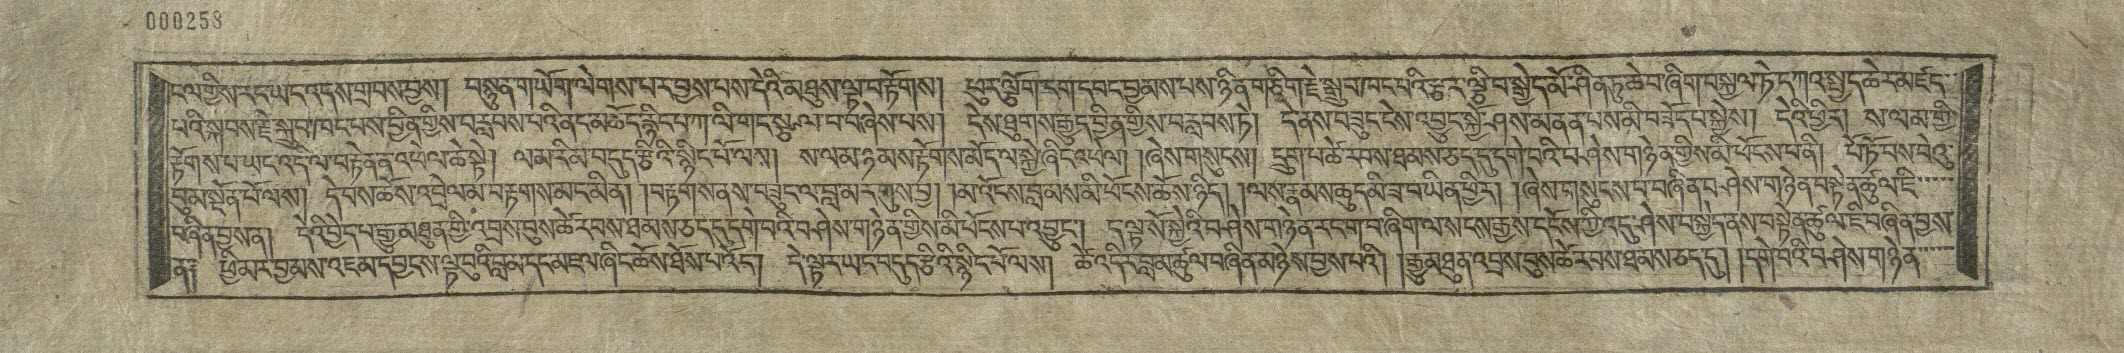ངལ་གྱིས་རང་ཡང་འདས་གྲབས་བྱས། བསྙུན་གཡོག་ལེགས་པར་བྱས་པས་དེའི་མཐུས་ལྟ་བ་རྟོགས། ཕུར་ལྕོག་ངག་དབང་བྱམས་པས་ཉིན་གཅིག་རྗེ་སྒྲུབ་ཁང་པའི་རྩར་ལྕི་བ་སྒྱེད་མོ་ཤིན་ཏུ་ཆེ་བ་ཞིག་བསྐྱལ་ཏེ་དཀའ་སྤྱད་ཆེར་མཛད་
པའི་སྐབས་རྗེ་སྒྲུབ་ཁང་པས་བྱིན་གྱིས་བརླབས་པའི་ནང་མཆོད་རྙིང་པ་ཀ་ལི་གང་སྩལ་བ་བཞེས་པས། དེས་ཐུགས་རྒྱུད་བྱིན་གྱིས་བརླབས་ཏེ། དེ་ནས་བཟུང་ངེས་འབྱུང་སྐྱོ་ཤས་མནན་པས་མི་བཟོད་པ་སྐྱེས། དེའི་ཕྱིར། ས་ལམ་གྱི་
རྟོགས་པ་ཡང་འདི་ལ་བརྟེན་ན་འཕེལ་ཆེ་སྟེ། ལམ་རིམ་བདུད་རྩིའི་སྙིང་པོ་ལས། ས་ལམ་ཉམས་རྟོགས་མོད་ལ་སྐྱེ་ཞིང་འཕེལ། །ཞེས་གསུངས། དྲུག་པ་ཚེ་རབས་ཐམས་ཅད་དུ་དགེ་བའི་བཤེས་གཉེན་གྱིས་མི་ཕོངས་པ་ནི། པོ་ཏོ་བས་བེའུ་
བུམ་སྔོན་པོ་ལས། དེ་བས་ཆོས་འབྲེལ་མ་བརྟགས་མང་མིན། །བརྟགས་ནས་བཟུང་ལ་བླ་མར་གུས་བྱ། །མ་འོངས་བླ་མས་མི་ཕོངས་ཆོས་ཉིད། །ལས་རྣམས་ཆུད་མི་ཟ་བ་ཡིན་ཕྱིར། །ཞེས་གསུངས་པ་བཞིན་བཤེས་གཉེན་བསྟེན་ཚུལ་ཇི་
བཞིན་བྱས་ན། དེའི་བྱེད་པ་རྒྱུ་མཐུན་གྱི་འབྲས་བུས་ཚེ་རབས་ཐམས་ཅད་དུ་དགེ་བའི་བཤེས་གཉེན་གྱིས་མི་ཕོངས་པ་འབྱུང་། ད་ལྟ་སོ་སྐྱེའི་བཤེས་གཉེན་རང་ག་བ་ཞིག་ལ་སངས་རྒྱས་དངོས་ཀྱི་འདུ་ཤེས་བསྐྱེད་ནས་བསྟེན་ཚུལ་ཇི་བཞིན་བྱས་
ན༑ ཕྱི་མར་བྱམས་འཇམ་དབྱངས་ལྟ་བུའི་བླ་མ་དང་མཇལ་ཞིང་ཆོས་ཐོས་པ་འོང་། དེ་ལྟར་ཡང་བདུད་རྩིའི་སྙིང་པོ་ལས། ཚེ་འདིར་བླ་མ་ཚུལ་བཞིན་མཉེས་བྱས་པའི། །རྒྱུ་མཐུན་འབྲས་བུས་ཚེ་རབས་ཐམས་ཅད་དུ། །དགེ་བའི་བཤེས་གཉེན་